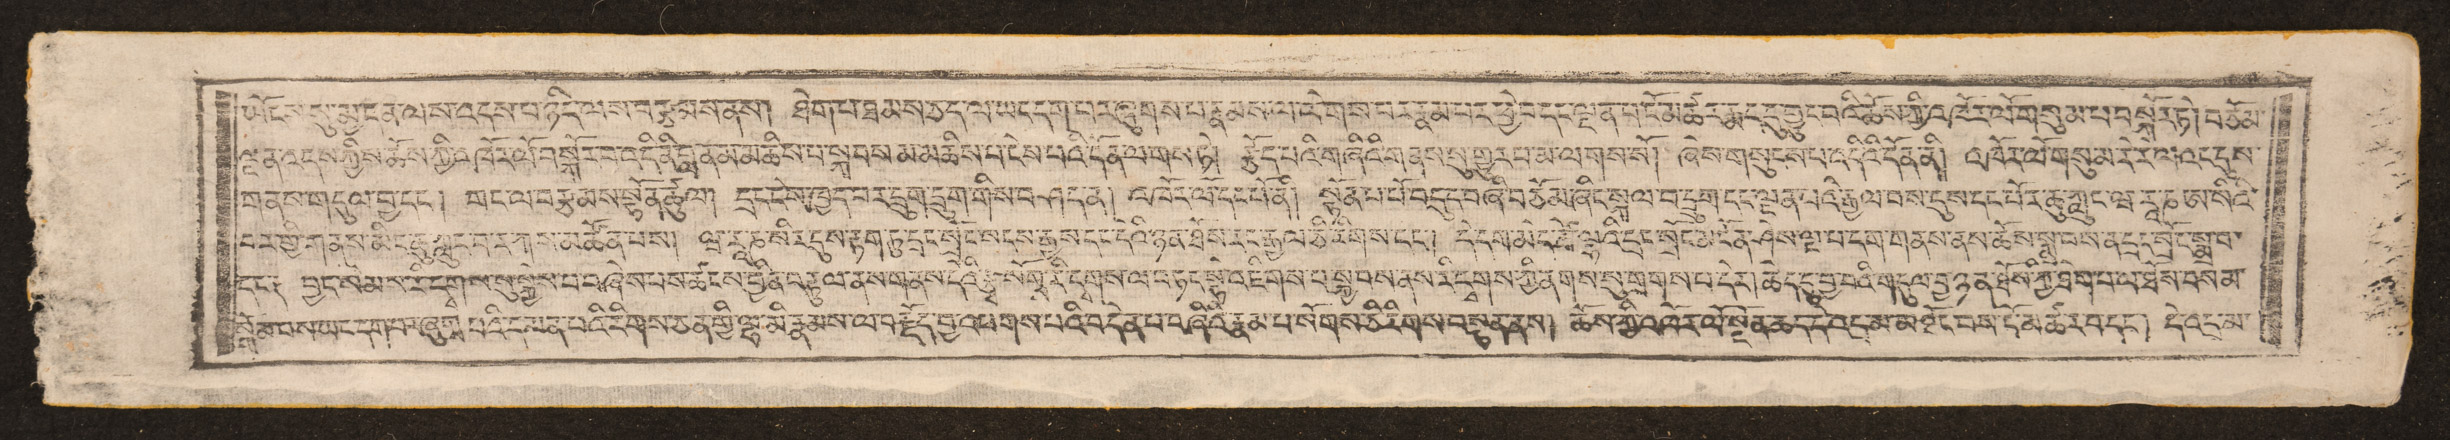ཡོངས་སུ་མྱ་ངན་ལས་འདས་པ་ཉིད་ལས་བརྩམས་ནས། ཐེག་པ་ཐམས་ཅད་ལ་ཡང་དག་པར་ཞུགས་པ་རྣམས་ལ་ལེགས་པར་རྣམ་པར་ཕྱེ་བ་དང་ལྡན་པ་ངོ་མཚར་རྨད་དུ་བྱུང་བའི་ཆོས་ཀྱི་འཁོར་ལོ་གསུམ་པ་བསྐོར་ཏེ། བཅོམ་
ལྡན་འདས་ཀྱིས་ཆོས་ཀྱི་འཁོར་ལོ་བསྐོར་བ་འདི་ནི་བླ་ན་མ་མཆིས་པ་སྐབས་མ་མཆིས་པ་ངེས་པའི་དོན་ལགས་ཏེ། རྩོད་པའི་གཞིའི་གནས་སུ་གྱུར་པ་མ་ལགས་སོ། ཞེས་གསུངས་པ་འདིའི་དོན་ནི། འཁོར་ལོ་གསུམ་རེ་རེ་ལའང་དུས་
གནས་གདུལ་བྱ་དང་། གང་ལ་བརྩམས་སྟོན་ཚུལ། དྲང་ངེས་ཁྱད་པར་དྲུག་དྲུག་གིས་བཤད་ན། འཁོར་ལོ་དང་པོ་ནི། སྟོན་པ་པོ་བདུད་བཞི་བཅོམ་ཞིང་སྐལ་བ་དྲུག་དང་ལྡན་པའི་རྒྱལ་བས་དུས་དང་པོར་ཆུ་ཀླུང་ཝ་རཱ་ཎ་ཨ་སིའི་
བར་གྱི་གནས་མིང་ཆུ་ཀླུང་བ་ར་ཀས་མཚོན་པས། ཝ་རཱ་ཎ་སིར་དུས་རྟག་ཏུ་དྲང་སྲོང་སངས་རྒྱས་དང་དེའི་ཉན་ཐོས་རང་རྒྱལ་ཅི་རིགས་དང་། དེ་དག་མེད་ཚེ་ལྷའི་དྲང་སྲོང་མངོན་ཤེས་ལྔ་པ་དག་གནས་ནས་ཆོས་སྨྲ་བས་ན་དྲང་སྲོང་སྨྲ་བ་
དང༑ བྱང་སེམས་རི་དྭགས་སུ་སྐྱེས་པ་བཞེས་པས་ཚངས་བྱིན་བརྟུལ་ནས་གནས་དེའི་རྩྭ་སོགས་རི་དྭགས་ལ་བཏང་སྟེ་འཇིགས་པ་སྐྱབས་ནས་རི་དྭགས་ཀྱི་ནགས་སུ་གྲགས་པ་དེར། ཆེད་དུ་བྱ་བའི་གདུལ་བྱ་ཉན་ཐོས་ཀྱི་ཐེག་པ་ལ་ཐོས་བསམ་
སྒོམ་པས་ཡང་དག་པར་ཞུགས་པའི་དམན་པའི་རིགས་ཅན་གྱི་ལྷ་མི་རྣམས་ལ་བརྗོད་བྱ་འཕགས་པའི་བདེན་པ་བཞིའི་རྣམ་པ་སོགས་ཅི་རིགས་བསྟན་ནས། ཆོས་ཀྱི་འཁོར་ལོ་སྔོན་ཆད་དེ་འདྲ་མ་མཐོང་བས་ངོ་མཚར་བ་དང་། དེ་འདྲ་མ་